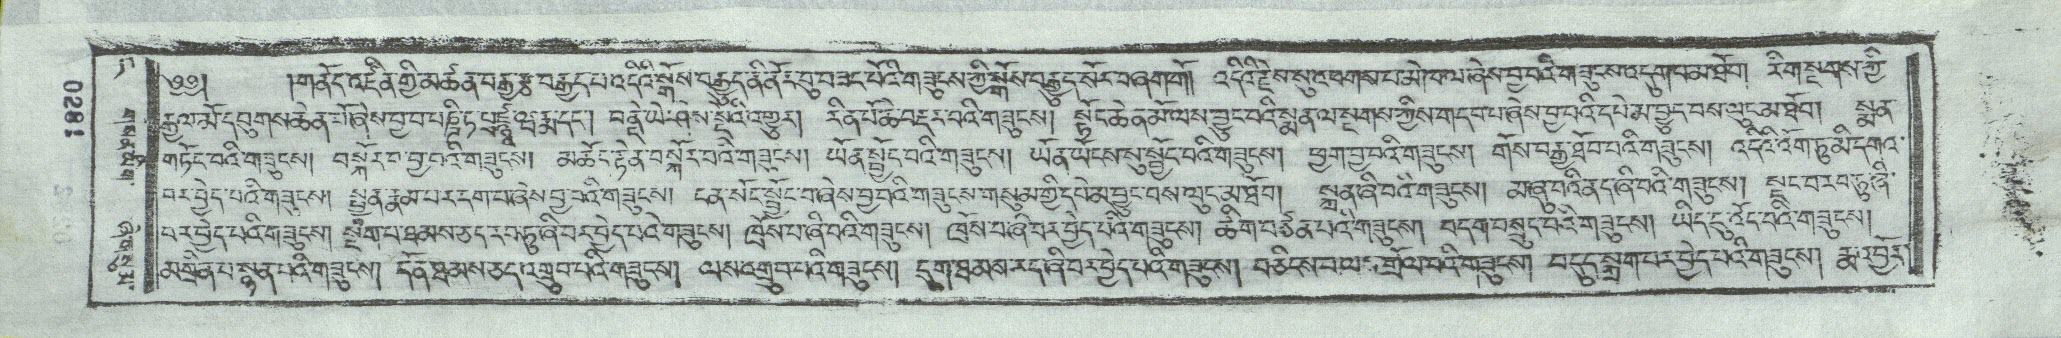༄༅། །གནོད་འཛིན་གྱི་མཚན་བརྒྱ་རྩ་བརྒྱད་པ་འདིའི་སྒོས་བརྒྱུད་ནི་ནོར་བུ་བཟང་པོའི་གཟུངས་ཀྱི་སྒོས་བརྒྱུད་སོར་བཞག་གོ། འདིའི་རྗེས་སུ་འཕགས་པ་མེ་ཁལ་ཞེས་བྱ་བའི་?ར་ལྕངས་འདུག་པ་མ་ཐོབ། རིག་སྔགས་ཀྱི་
རྒྱལ་མོ་དབུགས་ཆེན་པོ་ཞེས་བྱ་བ་པཎྜི་ཏ་པྲཛྙཱ་ཝརྨ་དང་། བནྡེ་ཡེ་ཤེས་སྡེའི་འགྱུར། རིན་པོ་ཆེ་བརྡར་བའི་གཟུངས། སྟོང་ཆེན་མོ་ལས་བྱུང་བའི་སྨན་སྔགས་ཀྱིས་གདབ་བཞེས་བྱ་བའི་དཔེ་མ་བྱུང་བས་ལུང་མ་ཐོབ། སྨན་
གཏོང་བའི་གཟུངས། བསྐོར་བ་བྱ་བའི་གཟུངས། མཆོད་རྟེན་བསྐོར་བའི་གཟུངས། ཡོན་སྦྱོང་བའི་གཟུངས། ཡོན་ཡོངས་སུ་སྦྱོང་བའི་གཟུངས། ཕྱག་བྱ་བའི་གཟུངས། གོས་བརྒྱ་ཐོབ་པའི་གཟུངས། ཕྱག་བྱ་བའི་གཟུངས། གོས་བརྒྱ་ཐོབ་པའི་གཟུངས། འདིའི་འོག་ཏུ་མི་དགའ་
བར་བྱེད་པའི་གཟུངས། སྤྱན་རྣམ་པར་དག་པ་ཞེས་བྱ་བའི་གཟུངས། ངན་སོང་སྦྱོང་བཞེས་བྱ་བའི་གཟུངས་གསུམ་གྱི་དཔེ་མ་བྱུང་བས་ལུང་མ་ཐོབ། སྐྲན་ཞི་བའི་གཟུངས། མ་ཞུ་བའི་ནད་ཞི་བའི་གཟུངས། སྡང་བ་རབ་ཏུ་ཞི་
བར་བྱེད་པའི་གཟུངས། སྡིག་པ་ཐམས་ཅད་རབ་ཏུ་ཞི་བར་བྱེད་པའི་གཟུངས། ཁྲོས་པ་ཞི་བའི་གཟུངས། ཁྲོས་པ་ཞི་བར་བྱེད་པའི་གཟུངས། ཚིག་བཙན་པའི་གཟུངས། བདག་བསྲུང་བའི་གཟུངས། ཡིད་དུ་འོང་བའི་གཟུངས།
མགྲིན་པ་སྙན་པའི་གཟུངས། དོན་ཐམས་ཅད་འགྲུབ་པའི་གཟུངས། ལས་འགྲུབ་པའི་གཟུངས། དྲུག་ཐམས་རང་ཞི་བར་བྱེད་པའི་གཟུངས། བཅིངས་པ་ལས་གྲོལ་བའི་གཟུངས། བདུད་སྐྲག་པར་བྱེད་པའི་གཟུངས། རྨ་འབྱོར་